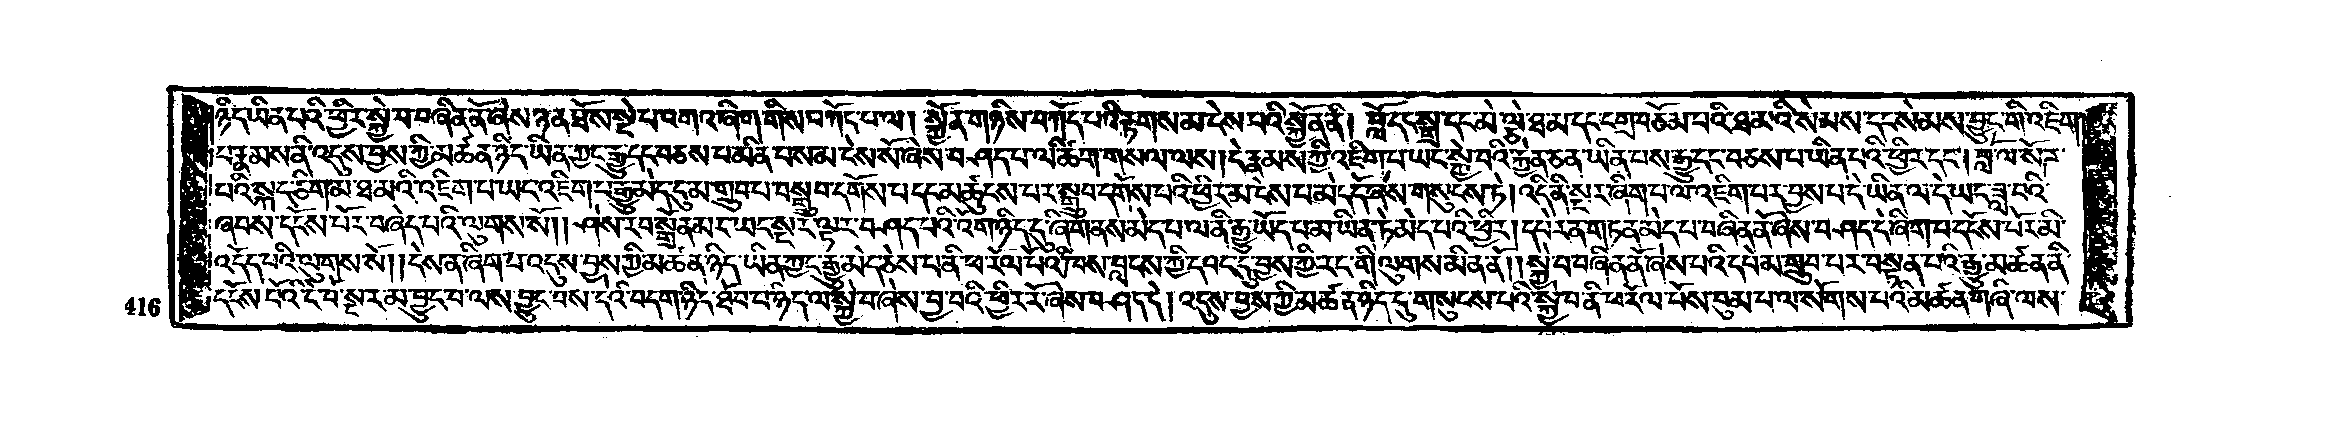ཉིད་ཡིན་པའི་ཕྱིར་སྐྱེ་བ་བཞིན་ནོ་ཞེས་ཉན་ཐོས་སྡེ་པ་འགའ་ཞིག་གིས་བཀོད་པ་ལ། སྐྱོན་གཉིས་བཀོད་པའི་རྟགས་མ་ངེས་པའི་སྐྱོན་ནི། བློ་དང་སྒྲ་དང་མེ་ལྕེ་ཐ་མ་དང་དགྲ་བཅོམ་པའི་ཐ་མའི་སེམས་དང་སེམས་བྱུང་གི་འཇིག་
པ་རྣམས་ནི་འདུས་བྱས་ཀྱི་མཚན་ཉིད་ཡིན་ཀྱང་རྒྱུ་དང་བཅས་པ་མིན་པས་མ་ངེས་སོ་ཞེས་བཤད་པ་ལ་ཚིག་གསལ་ལས། དེ་རྣམས་ཀྱི་འཇིག་པ་ཡང་སྐྱེ་བའི་རྐྱེན་ཅན་ཡིན་པས་རྒྱུ་དང་བཅས་པ་ཡིན་པའི་ཕྱིར་དང་། བློ་ལ་སོཌ་
པའི་སྐད་ཅིག་མ་ཐ་མའི་འཇིག་པ་ཡང་འཇིག་པ་རྒྱུ་མེད་དུ་མ་གྲུབ་པ་བསྒྲུབ་དགོས་པ་དང་མཚུངས་པར་སྒྲུབ་དགོས་པའི་ཕྱིར་མ་ངེས་པ་མེད་དོ་ཞེས་གསུངས་ཏེ། འདི་ནི་སྔར་ཞིག་པ་ལ་འཇིག་པར་བས་པ་དེ་ཡིན་ལ་དེ་ཡང་ཟླ་བའི་
ཞབས་དངོས་པོར་བཞེད་པའི་ལུགས་སོ། །ཤེས་རབ་སྒྲོན་མར་ཡང་སྔར་ལྟར་བཤད་པའི་འོག་ཉིད་དུ་ཞིག་ནས་མེད་པ་ལ་ནི་རྒྱུ་ཡོད་པ་མ་ཡིན་ཏེ་མེད་པའི་ཕྱིར། དཔེར་ན་གཏན་མེད་པ་བཞིན་ནོ་ཞེས་བཤད་དེ་ཞིག་པ་དངོས་པོར་མི་
འདོད་པའི་ལུགས་སོ། །དེས་ན་ཞིག་པ་འདུས་བྱས་ཀྱི་མཚན་ཉིད་ཡིན་ཀྱང་རྒྱུ་མེད་ཅེས་པ་ནི་ཕ་རོལ་པོའི་ཁས་བླངས་ཀྱི་དབང་དུ་བྱས་ཀྱི་རང་གི་ལུགས་མིན་ནོ། །སྐྱེ་བ་བཞིན་ནོ་ཞེས་པའི་དཔེ་མ་གྲུབ་པར་བསྟན་པའི་རྒྱུ་མཚན་ནི་
དངོས་པོའི་ངོ་བོ་སྔར་མ་བྱུང་བ་ལས་བྱུང་བས་དེའི་བདག་ཉིད་ཐོབ་པ་ཉིད་ལ་སྐྱེ་བ་ཞེས་བྱ་བའི་ཕྱིར་རོ་ཞེས་བཤད་དེ། འདུས་བྱས་ཀྱི་མཚན་ཉིད་དུ་གསུངས་པའི་སྐྱེ་བ་ནི་ཕ་རོལ་པོས་བུམ་པ་ལ་སོགས་པའི་མཚན་གཞི་ལས་